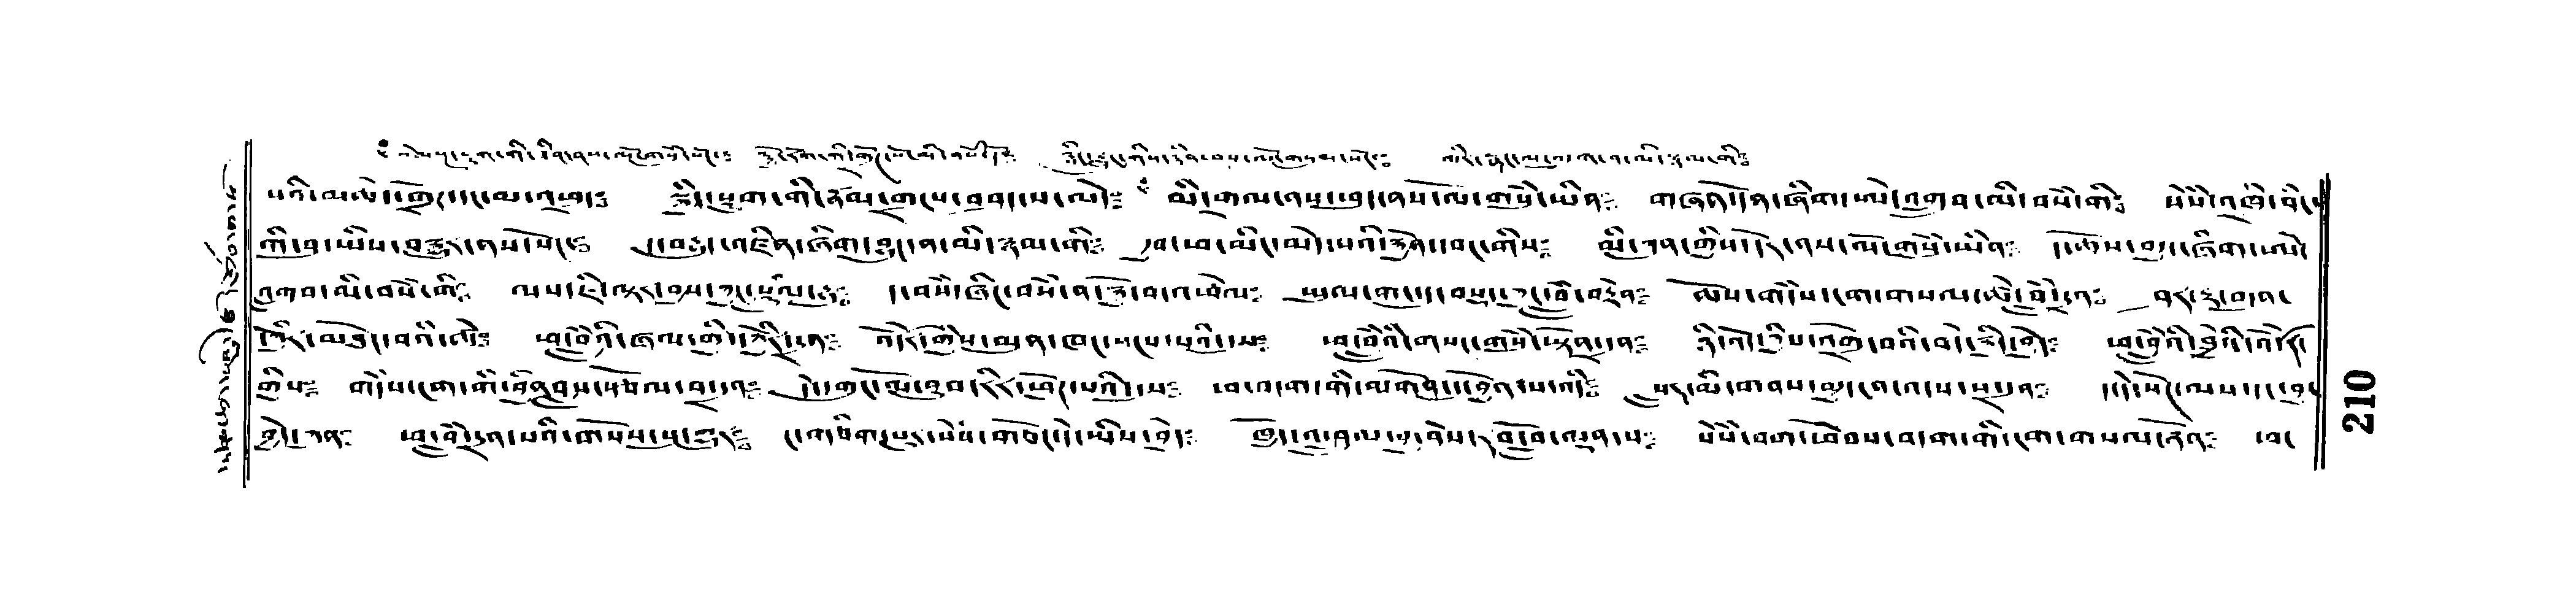པའི་མཆེད་གྲོགས་དང་མ་འཕྲད༔ སྐྱིད་སྡུག་གི་རྣམ་གྲངས་བཤད་ས་མེད༔ སེམས་སྡུག་གི་ཟིན་ནས་ལོ་གསུམ་སོང༔ སྐྱོ་རོག་གི་གྲོགས་པོ་མི་བསམ་དོ༔ སྙིང་རླུང་གིས་ཟིན་ནས་ལོ་གསུམ་སོང༔ འདིར་སྣང་ལ་འདུག་ན་མི་སྙམ་གྱི༔ མི་གྲལ་ནས་ཕུད་ནས་ལོ་གསུམ་ཡིན༔ གཞན་དོན་ཞིག་ཨེ་འགྲུབ་མི་བསམ་གི༔ སེམས་འཁྲི་ཤིང་
གི་བུ་ཡིས་བསྐྱུར་ནས་སོང༔ ད་བརྒྱུད་འཛིན་ཞིག་བྱུང་ན་མི་སྙམ་གི༔ རྒྱབ་ཕ་མིང་མེད་པའི་སྐྱོན་དབང་གིས༔ མི་ཀུན་གྱིས་དོར་ནས་ལོ་གསུམ་ཡིན༔ ད་ཆོས་བརྒྱད་ཞིག་ཨེ་
འགྲུབ་མི་བསམ་གི༔ ལས་ཇི་ལྟར་བྱས་ཀྱང་སྡུག་བསྔལ་རྒྱུ༔ ད་བསམ་ཞིང་བསམ་ན་སྐྱོ་བ་འཕེལ༔ ཡུལ་གང་དུ་བསྡད་ཀྱང་བླ་མ་བརྟེན༔ ཆོས་གདམས་ངག་གསལ་ཚེ་བླ་མ་དྲན༔ ཤར་རྟ་བདུན་
དཀྱིལ་འཁོར་མཐོང་བའི་ཚེ༔ ཕ་བླ་མའི་ཞལ་གྱི་དཀྱིལ་འཁོར་དྲན༔ འོད་ཟེར་གྱིས་མུན་ཁང་སངས་པའི་དུས༔ ཕ་བླ་མའི་གསང་གསུམ་ཡོན་ཏན་དྲན༔ ཉི་འོད་ཀྱིས་འགྲོ་བའི་བདེ་སྐྱིད་བྱེད༔ ཕ་བླ་མའི་ཐུགས་རྗེའི་འོད་ཟེར་
གྱིས༔ གདམས་ངག་གི་བྱིན་རླབས་བསྩལ་བ་དྲན༔ དེ་དགུང་མོ་ནུབ་རིར་ཕྱོགས་པའི་དུས༔ ཕ་བདག་གི་མགོན་དུ་བྱོན་པ་འདི༔ སླར་མི་གནས་མྱ་ངན་འདས་པ་དྲན༔ ད་དེ་སོགས་ལས་དང་བྱ་
བྱེད་ཀུན༔ ཕ་བླ་མ་དྲན་པའི་གསོས་སུ་གྱུར༔ ང་གཅིག་པུར་སེམས་གཅོང་དེ་ཡིས་བྱེད༔ ཁྱོད་འཕྲུལ་བྱ་ཤེས་རབ་བློ་ལྡན་པ༔ སེམས་བག་ཕོབས་བདག་གི་ངག་གསལ་ཉོན༔ ཕ་